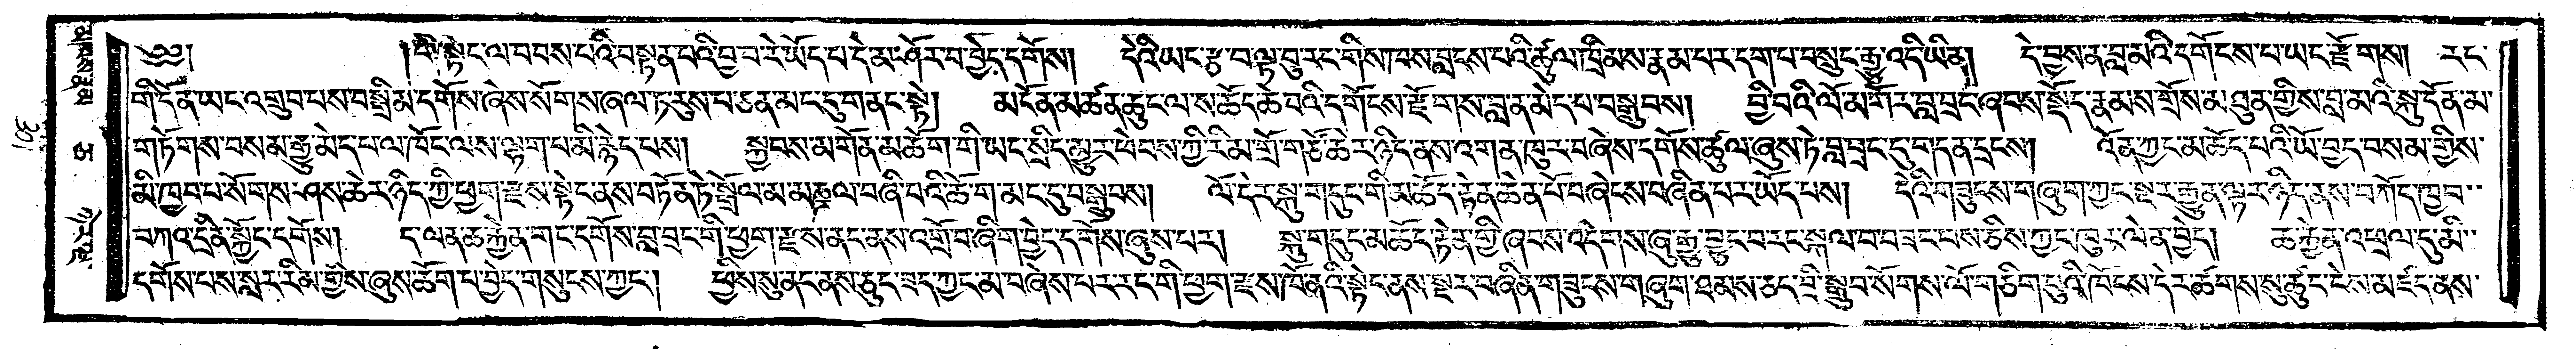༄༅། །གི་སྟེང་ལ་བབས་བའི་བསྟན་པའི་བྱ་བ་རེ་ཡོད་པ་དེ་མ་ཤོར་བ་བྱེད་དགོས། དེའི་ཡང་རྩ་བ་ལྟ་བུ་རང་གིས་ཁས་བླངས་པའི་ཚུལ་ཁྲིམས་རྣམ་པར་དག་པ་བསྲུང་རྒྱུ་འདི་ཡིན། དེ་བྱས་ན་བླ་མའི་དགོངས་པ་ཡང་རྫོགས། རང་
གི་དོན་ཡང་འགྲུབ་པས་བསྒྲིམ་དགོས་ཞེས་སོགས་ཞལ་ཏ་རུས་པ་ཅན་མང་དུ་གནང་སྟེ། མངོན་མཚན་ཆུང་ལས་ཆོད་ཆེ་བའི་དགོངས་རྫོགས་བླ་ན་མེད་པ་བསྒྲུབས། བྱི་བའི་ལོ་མགོར་བླ་བྲང་ཞབས་སྡོད་རྣམས་གྲོས་མཐུན་གྱིས་བླ་མའི་སྐུ་དོན་མ་
གཏོགས་བསམ་རྒྱུ་མེད་པ་ལ་ཁོང་ལས་ལྷག་པ་མི་རྙེད་པས། སྐྱབས་མགོན་མཆོག་གི་ཡང་སྲིད་མྱུར་ཕེབས་ཀྱི་རིམ་གྲོ་གཙོ་ཆེར་ཉིད་ནས་འགན་ཁུར་བཞེས་དགོས་ཚུལ་ཞུས་ཏེ་བླ་བྲང་དུ་གདན་དྲངས། འོན་ཀྱང་མཆོད་པའི་ཡོ་བྱད་བསམ་གྱིས་
མི་ཁྱབ་བ་སོགས་ཤས་ཆེར་ཉིད་ཀྱི་ཕྱག་རྫས་སྟེང་ནས་བཏོན་ཏེ་སྒྲོལ་མ་མཎྜལ་བཞི་བའི་ཆོ་ག་མང་དུ་བསྒྲུབས། ལོ་དེར་སྐུ་གདུང་གི་མཆོད་རྟེན་ཆེན་པོ་བཞེངས་བཞིན་པར་ཡོད་པས། དེའི་གཟུངས་གཞུག་ཀྱང་སྔར་རྒྱུན་ལྟར་ཉིད་ནས་བཀོད་ཁྱབ་
བཀའ་དྲིན་སྐྱོང་དགོས། ད་ལན་ཆ་རྐྱེན་གང་དགོས་བླ་བྲང་གི་ཕྱག་རྫས་ནང་ནས་འགྲོ་བ་ཞིག་བྱེད་དགོས་ཞུས་པར། སྐུ་གདུང་མཆོད་རྟེན་གྱི་ཞབས་འདེགས་ཞུ་རྒྱུ་བྱུང་བ་རང་སྐལ་བ་བཟང་བས་ཅིས་ཀྱང་ཁུར་ལེན་བྱེད། ཆ་རྐྱེན་འཕྲལ་དུ་མི་
དགོས་པས་སླར་རིམ་གྱིས་ཞུས་ཆོག་པ་བྱེད་གསུངས་ཀྱང་། ཕྱིས་སུ་ནང་ནས་ཅུང་ཟད་ཀྱང་མ་བཞེས་པར་རང་གི་ཕྱག་རྫས་ཁོ་ནའི་སྟེང་ནས་སྔར་བཞིན་གཟུངས་གཞུག་ཐམས་ཅད་བྲི་སྒྲུབ་སོགས་ལོ་གཅིག་བུའི་ཁོངས་དེར་ཆགས་སུ་ཚུད་ངེས་མཛད་ནས་